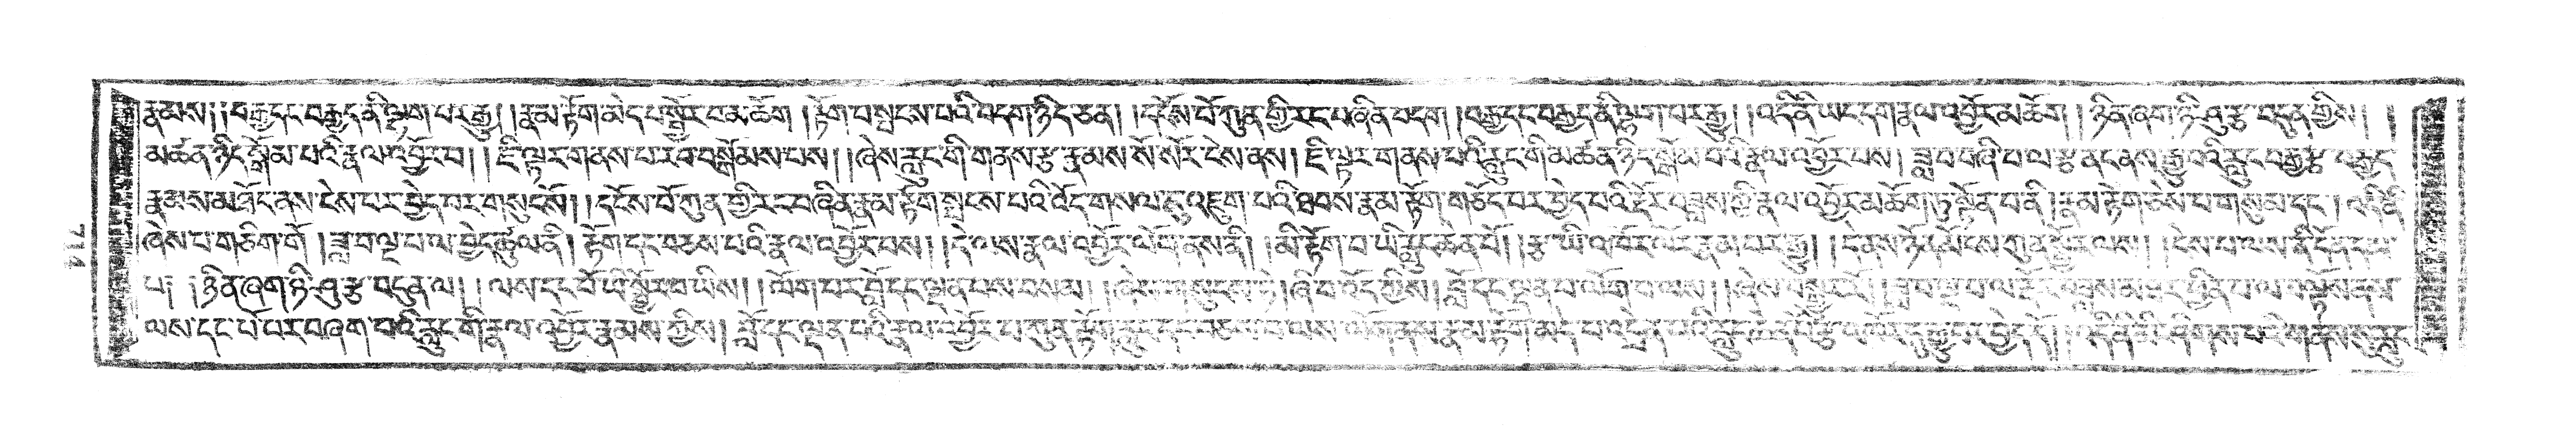རྣམས། །བརྒྱ་དང་བརྒྱད་ནི་ལྷག་པར་རྒྱུ། །རྣམ་རྟོག་མེད་པ་སྦྱོར་བ་མཆོག །རྟོག་པ་སྤངས་པའི་བདག་ཉིད་ཅན། །དངོས་པོ་ཀུན་གྱི་རང་བཞིན་བདག །བརྒྱ་དང་བརྒྱད་ནི་ལྷག་པར་རྒྱུ། །འདི་ནི་ཡང་དག་རྣལ་འབྱོར་མཆོག །ཉིན་ཞག་ཉི་ཤུ་རྩ་བདུན་གྱི། །
མཚན་ཉིད་སྒོམ་པའི་རྣལ་འབྱོར་པ། །ཇི་ལྟར་གནས་པ་རབ་བསྒོམས་པས། །ཞེས་རླུང་གི་གནས་རྩ་རྣམས་སོ་སོར་ངེས་ནས། ཇི་ལྟར་གནས་པའི་རླུང་གི་མཚན་ཉིད་སྒོམ་པའི་རྣལ་འབྱོར་པས། ཟླ་བ་བཞི་པ་ལ་རྩ་ནང་ནས་རྒྱུ་བའི་རླུང་བརྒྱ་རྩ་བརྒྱད་
རྣམས་མཐོང་ནས་ངེས་པར་བྱེད་པར་གསུངས་སོ། །དངོས་པོ་ཀུན་གྱི་རང་བཞིན་རྣམ་རྟོག་སྤངས་པའི་འོད་གསལ་དུ་འཇུག་པའི་ཐབས་རྣམ་རྟོག་གཅོད་པར་བྱེད་པའི་རྡོར་བཟླས་ཀྱི་རྣལ་འབྱོར་མཆོག་ཏུ་སྟོན་པ་ནི། རྣམ་རྟོག་ཅེས་པ་གསུམ་དང་། འདི་ནི་
ཞེས་པ་གཅིག་གོ །ཟླ་བ་ལྔ་པ་ལ་བྱེད་ཚུལ་ནི། རྟོག་དང་བཅས་པའི་རྣལ་འབྱོར་པས། །དེ་ལས་རྣལ་འབྱོར་ལོག་ནས་ནི། །མི་རྟོག་པ་ཡི་རླུང་ཆེན་པོ། །རྩ་ཡི་འཁོར་ལོར་རྣམ་པར་རྒྱུ། །དེ་ནས་ཉོན་མོངས་ཀུན་སྦྱོར་ལས། །ངེས་པ་ལས་ནི་དོན་དམ་
པ། །ཉིན་ཞག་ཉི་ཤུ་རྩ་བདུན་ལ། །ལས་དང་པོ་ཡི་སྦྱོར་བ་ཡིས། །ལོག་པར་བློ་དང་ལྡན་པས་བསམ། །ཞེས་གསུངས་ཏེ། ཞི་བ་འོད་ཀྱིས། བློ་དང་ལྡན་པ་ལོག་པ་ལས། །ཞེས་བསྒྱུར་རོ། །ཟླ་བ་ལྔ་པ་ལ་རྡོར་བཟླས་མཐར་ཕྱིན་པ་ལ་བལྟོས་ནས་
ལས་དང་པོ་བར་བཞག་པའི་རླུང་གི་རྣལ་འབྱོར་རྣམས་ཀྱིས། བློ་དང་ལྡན་པའི་རྣལ་འབྱོར་པ་ཀུན་རྟོག་རླུང་དང་བཅས་པ་ལས་ལོག་ནས་རྣམ་རྟོག་མེད་པ་འདྲེན་པའི་རླུང་ཆེན་པོ་རྩ་འཁོར་དུ་རྒྱུ་བར་བྱེད་དོ། །འདི་ནི་མི་ཤིགས་པའི་གནས་སུ་རླུང་